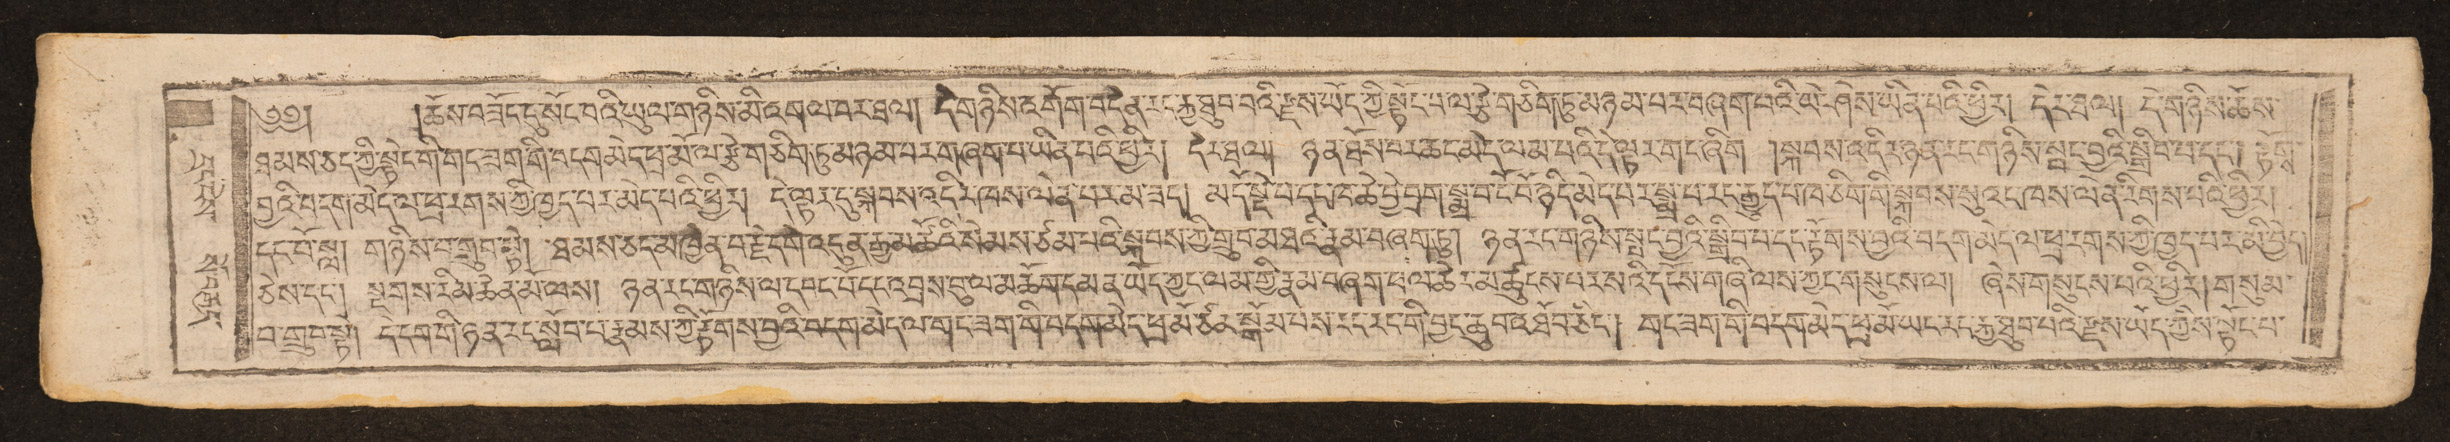༄༅། །ཆོས་བཟོད་དུ་སོང་བའི་ཡུལ་གཉིས་མི་འགལ་བར་ཐལ། དེ་གཉིས་འགོག་བདེན་རང་རྐྱ་ཐུབ་པའི་རྫས་ཡོད་ཀྱི་སྟོང་པ་ལ་རྩེ་གཅིག་ཏུ་མཉམ་པར་བཞག་པའི་ཡེ་ཤེས་ཡིན་པའི་ཕྱིར། དེར་ཐལ། དེ་གཉིས་ཆོས་
ཐམས་ཅད་ཀྱི་སྟེང་གི་གང་ཟག་གི་བདག་མེད་ཕྲ་མོ་ལ་རྩེ་གཅིག་ཏུ་མཉམ་པར་གཞག་པ་ཡིན་པའི་ཕྱིར། དེར་ཐལ། ཉན་ཐོས་བར་ཆད་མེད་ལམ་པའི་དེ་ལྟར་གང་ཞིག །སྐབས་འདིར་ཉན་རང་གཉིས་སྤང་བྱའི་སྒྲིབ་པ་དང་། རྟོགས་
བྱའི་བདག་མེད་ལ་ཕྲ་རགས་ཀྱི་ཁྱད་པར་མེད་པའི་ཕྱིར། དེ་ལྟར་དུ་སྐབས་འདིར་ཁས་ལེན་པར་མ་ཟད། མདོ་སྡེ་པ་དང་ཁ་ཆེ་བྱེ་བྲག་སྨྲ་བ་ངོ་བོ་ཉིད་མེད་པར་སྨྲ་བ་རང་རྒྱུད་པ་ཁ་ཅིག་གི་སྐབས་སུའང་ཁས་ལེན་རིགས་པའི་ཕྱིར།
དང་པོ་སླ། གཉིས་པ་གྲུབ་སྟེ། ཐམས་ཅད་མཁྱེན་པ་རྗེ་དགེ་འདུན་རྒྱ་མཚོའི་སེམས་ཙམ་པའི་སྐབས་ཀྱི་གྲུབ་མཐའི་རྣམ་བཞག་ཏུ། ཉན་རང་གཉིས་སྤང་བྱའི་སྒྲིབ་པ་དང་རྟོགས་བྱའི་བདག་མེད་ལ་ཕྲ་རགས་ཀྱི་ཁྱད་པར་མི་བྱེད་
ཅེས་དང་། སྔགས་རིམ་ཆེན་མོ་ལས། ཉན་རང་གཉིས་ལ་དབང་པོ་དང་འབྲས་བུ་ལ་མཆོག་དམན་ཡོད་ཀྱང་ལམ་གྱི་རྣམ་བཞག་ཕལ་ཆེར་མཚུངས་པར་སའི་དངོས་གཞི་ལས་ཀྱང་གསུངས་ལ། ཞེས་གསུངས་པའི་ཕྱིར། གསུམ་
པ་གྲུབ་སྟེ། དེ་དག་གི་ཉན་རང་སློབ་པ་རྣམས་ཀྱི་རྟོགས་བྱའི་བདག་མེད་ལ་གང་ཟག་གི་བདག་མེད་ཕྲ་མོ་ཙམ་སྒོམ་པས་རང་རང་གི་བྱང་ཆུབ་འཐོབ་ཅིང་། གང་ཟག་གི་བདག་མེད་ཕྲ་མོ་ཡང་རང་རྐྱ་ཐུབ་པའི་རྫས་ཡོད་ཀྱིས་སྟོང་པ་